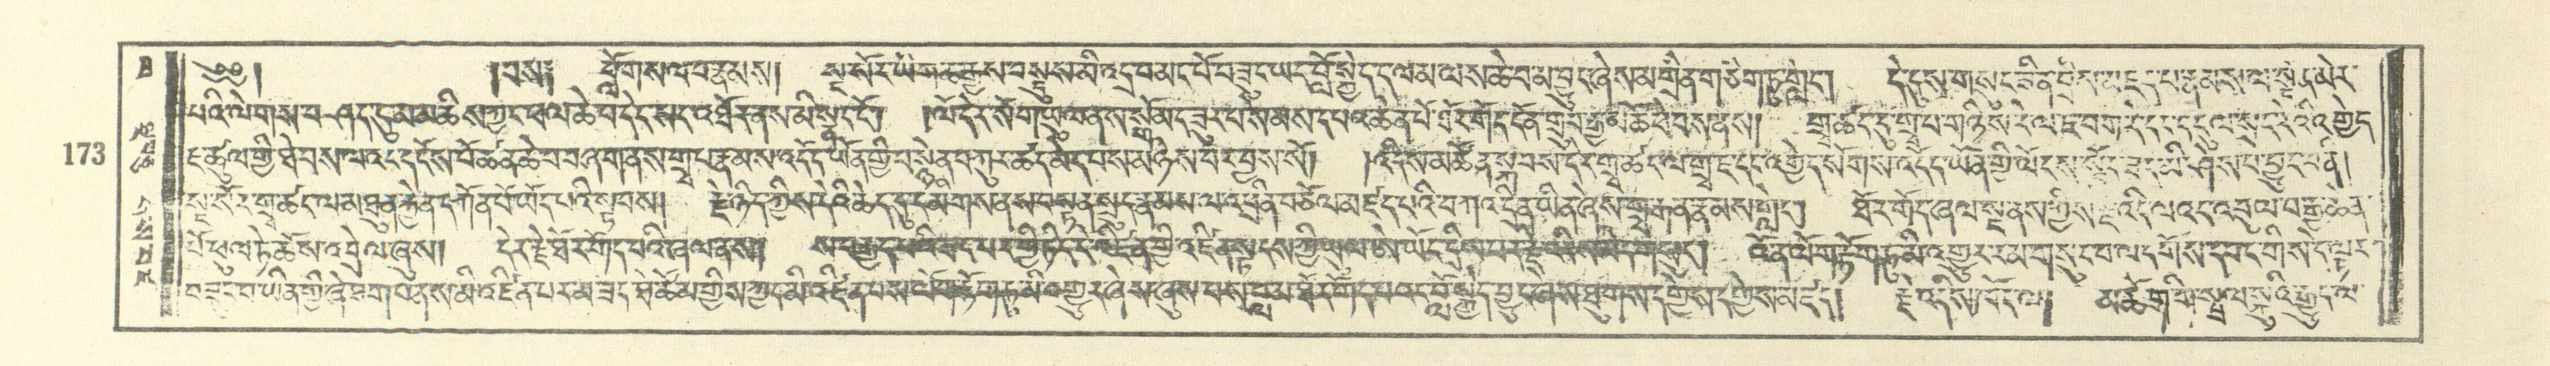༄༅། །པས༑ བློ་གསལ་བ་རྣམས། སྔ་སོར་ཡིག་ཆ་རྒྱས་བསྡུས་མི་འདྲ་བ་མང་པོ་བཟུང་ཡང་བློ་སྐྱེད་ད་ལམ་ལས་ཆེ་བ་མ་བྱུང་ཞེས་མགྲིན་གཅིག་ཏུ་གླེང་། དེ་དུས་གསུང་ཟིན་བྲིས་མཛད་པ་རྣམས་ལ་སྡོན་མེད་
པའི་ལེགས་བཤད་དུ་མ་མཆིས་ཀྱང་ཕལ་ཆེ་བ་དེང་སང་འཐོར་ནས་མི་སྣང་ངོ། །ལོ་དེར་སོག་ཡུལ་ནས་སྒོ་མང་ཟུར་པ་སེམས་དཔའ་ཆེན་པོ་ཐོར་གོད་དོན་གྲུབ་རྒྱ་མཚོ་ཕེབས་ནས། གྲྭ་ཚད་དུ་གྲྭ་བ་གཉིས་རེ་ལ་ཇ་བག་རེ་དང་དངུལ་སྤང་རེའི་འགྱེད།
ཇ་ཚུལ་གྱི་ཐེབས་ལའང་དངོས་པོ་ཚན་ཆེ་བ་བཞག་ནས་གྲྭ་པ་རྣམས་འདོད་ཡོན་གྱི་བསྙེན་བཀུར་ཚད་མེད་པས་མཉེས་པར་བྱས་སོ། །འདིས་མཚོན་སྐབས་དེར་གྲྭ་ཚང་ལ་གྲྭ་ཇ་དང་འགྱེད་སོགས་འདོད་ཡོན་གྱི་ལོངས་སྤྱོད་ཟད་མི་ཤེས་པ་བྱུང་བ་ནི།
སྔ་སོར་གྲྭ་ཚང་ལ་མཐུན་རྐྱེན་དཀོན་པོ་ཡོད་པའི་སྟབས། རྗེ་ཉིད་ཀྱིས་དེའི་ཆེད་དུ་དམིགས་ནས་བསྟན་སྲུང་རྣམས་ལ་འཕྲིན་བཅོལ་མཛད་པའི་བཀའ་དྲིན་ཡིན་ཞེས་གྲྭ་རྒན་རྣམས་གླེང་། ཐོར་གོད་ཞལ་སྔ་ནས་ཀྱིས་རྗེ་འདི་ལའང་འབུལ་བརྒྱ་ཆེན་
པོ་ཕུལ་ཏེ་ཆོས་འབྲེལ་ཞུས། དེར་རྗེ་ཐོར་གོད་པའི་ཞལ་ནས། ས་བརྒྱད་པའི་ཟད་པར་གྱི་ཏིང་ངེ་འཛིན་གྱི་འཛིན་སྟངས་ཀྱི་ཡུལ་ཨེ་ཡོང་དྲིས་པར་རྗེ་འདིས་མེད་གསུང་། འོ་ན་ལོག་རྟོག་ཏུ་མི་འགྱུར་རམ་གསུང་བ་ལ་དགོས་དབང་གིས་དེ་ལྟར་
བཟུང་པ་ཡིན་གྱི་ཞེ་ཐག་པ་ནས་མི་འཛིན་པར་མ་ཟད་ཐེ་ཚོམ་གྱིས་ཀྱང་མི་འཛིན་པས་ལོག་རྟོག་ཏུ་མི་འགྱུར་ཞེས་ཞུས་པས་བླ་མ་ཐོར་གོད་པའང་བློ་སྐྱེད་བྱུང་ཞེས་ཐུགས་དགྱེས་དགྱེས་མཛད། རྗེ་འདིས་ཁོང་ལ། མཆོག་གི་སྤྲུལ་སྐུའི་རྒྱུད་ལ་